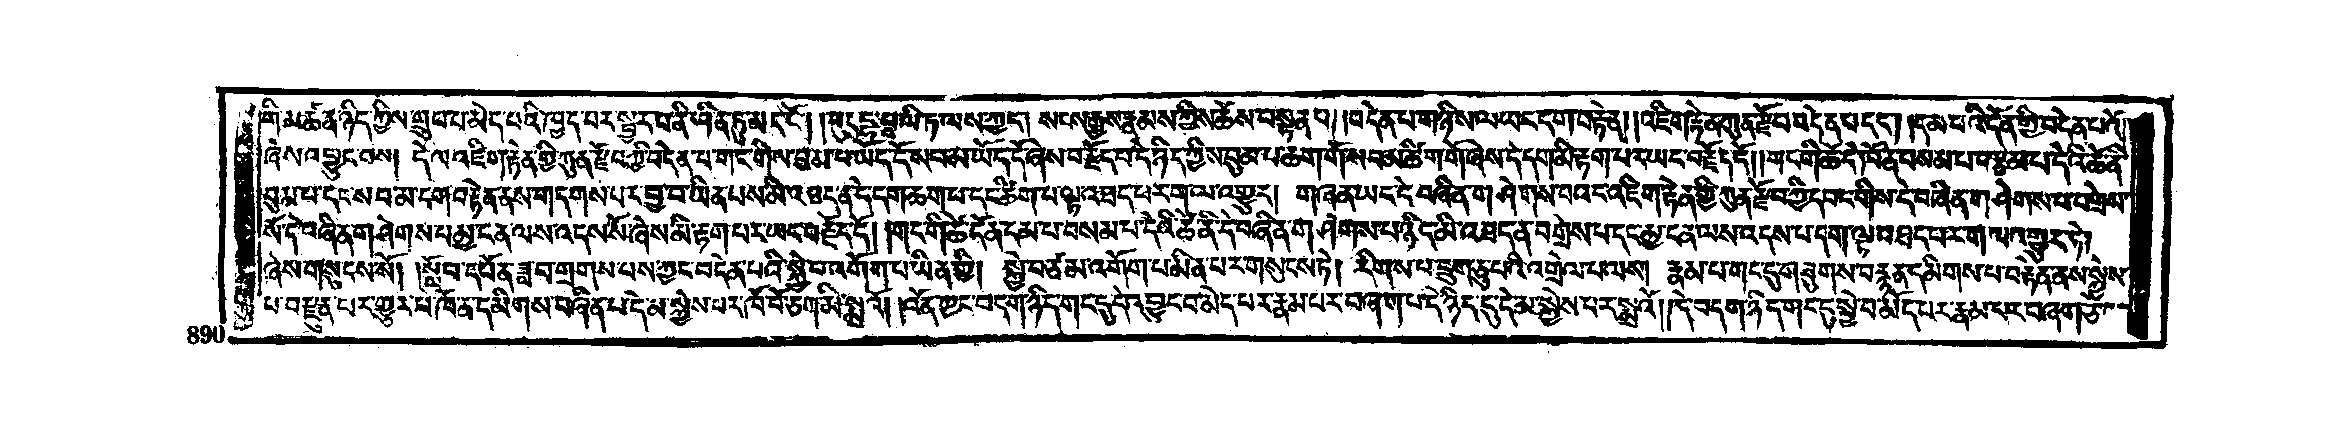གི་མཚན་ཉིད་ཀྱིས་གྲུབ་པ་མེད་པའི་ཁྱད་པར་སྦྱར་བ་ནི་ཤིན་ཏུ་མང་ངོ། །བུད་དྷ་པཱ་ལི་ཏ་ལས་ཀྱང་། སངས་རྒྱས་རྣམས་ཀྱིས་ཆོས་བསྟན་པ། །བདེན་པ་གཉིས་ལ་ཡང་དག་བརྟེན། །འཇིག་རྟེན་ཀུན་རྫོབ་བདེན་པ་དང་། །དམ་པའི་དོན་གྱི་བདེན་པའོ། །
ཞེས་འབྱུང་བས། དེ་ལ་འཇིག་རྟེན་གྱི་ཀུན་རྫོབ་ཀྱི་བདེན་པ་གང་གིས་བུམ་པ་ཡོད་དོ་སབ་མ་ཡོད་དོ་ཞེས་བརྗོད་པ་དེ་ཉིད་ཀྱིས་བུམ་པ་ཆག་གོ་སབ་མ་ཚིག་གོ་ཞེས་དེ་དག་མི་རྟག་པར་ཡང་བརྗོད་དོ། །གང་གི་ཚེ་དེ་ཁོ་ན་བསམ་པ་བརྩམ་པ་དེའི་ཚེ་ནི་
བུམ་པ་དང་སབ་མ་དག་བརྟེན་ནས་གདགས་པར་བྱ་བ་ཡིན་པས་མི་འཐད་ན་དེ་དག་ཆག་པ་དང་ཚིག་པ་ལྟ་འཐད་པར་ག་ལ་འགྱུར། གཞན་ཡང་དེ་བཞིན་གཤེགས་པའང་འཇིག་རྟེན་གྱི་ཀུན་རྫོབ་ཀྱི་དབང་གིས་དེ་བཞིན་གཤེགས་པ་བགྲེས་
སོ་དེ་བཞིན་གཤེགས་པ་མྱ་ངན་ལས་འདས་སོ་ཞེས་མི་རྟག་པར་ཡང་བརྗོད་དོ། །གང་གི་ཚེ་དོན་དམ་པ་བསམ་པ་དེའི་ཚེ་ནི་དེ་བཞིན་གཤེགས་པ་ཉིད་མི་འཐད་ན་བགྲེས་པ་དང་མྱ་ངན་ལས་འདས་པ་དག་ལྟ་འཐད་པར་ག་ལ་འགྱུར་ཏེ།
ཞེས་གསུངས་སོ། །སློབ་དཔོན་ཟླ་བ་གྲགས་པས་ཀྱང་བདེན་པའི་སྐྱེ་བ་འགོག་པ་ཡིན་གྱི། སྐྱེ་བ་ཙམ་འགོག་པ་མིན་པར་གསུངས་ཏེ། རིགས་པ་དྲུག་ཅུ་པའི་འགྲེལ་པ་ལས། རྣམ་པ་གང་དུ་གཟུགས་བརྙན་དམིགས་པ་བརྟེན་ནས་སྐྱེས་
པ་བརྫུན་པར་གྱུར་པ་ཁོ་ན་དམིགས་བཞིན་པ་དེ་མ་སྐྱེས་པར་ཁོ་བོ་ཅག་མི་སྨྲའོ། །འོན་ཀྱང་བདག་ཉིད་གང་དུ་དེ་འབྱུང་བ་མེད་པར་རྣམ་པར་བཞག་པ་དེ་ཉིད་དུ་དེ་མ་སྐྱེས་པར་སྨྲའོ། །དེ་བདག་ཉིད་གང་དུ་སྐྱེ་བ་མེད་པར་རྣམ་པར་བཞག་ཅེ་